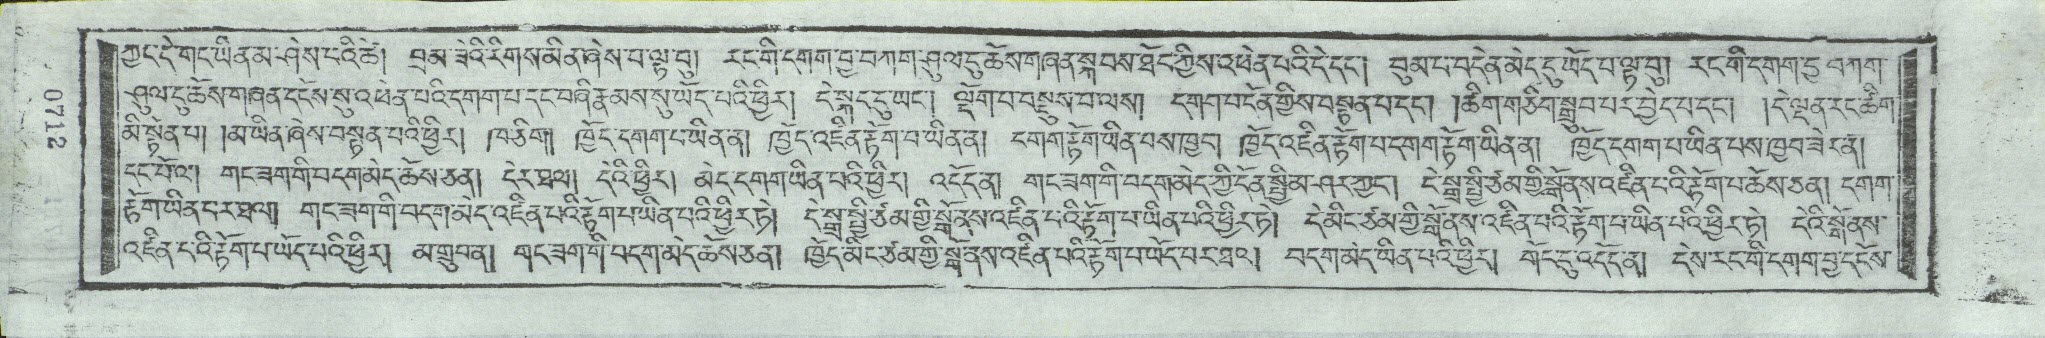ཀྱང་དེ་གང་ཡིན་མ་ཤེས་པའི་ཚེ། བྲམ་ཟེའི་རིགས་མིན་ཞེས་པ་ལྟ་བུ། རང་གི་དགག་བྱ་བཀག་ཤུལ་དུ་ཆོས་གཞན་སྐབས་ཐོབ་ཀྱི་འཕེན་པའི་དེ་དང་། བུམ་པ་བདེན་མེད་དུ་ཡོད་པ་ལྟ་བུ། རང་གི་དགག་བྱ་བཀག་
ཤུལ་དུ་ཆོས་གཞན་དངོས་སུ་འཕེན་བའི་དགག་པ་དང་བཞི་རྣམས་སུ་ཡོད་པའི་ཕྱིར། དེ་སྐད་དུ་ཡང་། ལྡོག་པ་བསྡུས་པ་ལས། དགག་པ་དོན་གྱིས་བསྟན་པ་དང་། །ཚིག་གཅིག་སྒྲུབ་པར་བྱེད་པ་དང་། །དེ་ལྡན་རང་ཚིག་
མི་སྟོན་པ། །མ་ཡིན་ཞེས་བསྟན་པའི་ཕྱིར། ཁ་ཅིག། ཁྱོད་དགག་པ་ཡིན་ན། ཁྱོད་འཛིན་རྟོག་པ་ཡིན་ན། དགག་རྟོག་ཡིན་པས་ཁྱབ། ཁྱོད་འཛིན་རྟོག་པ་དགག་རྟོག་ཡིན་ན། ཁྱོད་དགག་པ་ཡིན་པས་ཁྱབ་ཟེར་ན།
དང་པོ་ལ། གང་ཟག་གི་བདག་མེད་ཆོས་ཅན། དེར་ཐལ། དེའི་ཕྱིར། མེད་དགག་ཡིན་པའི་ཕྱིར། འདོད་ན། གང་ཟག་གི་བདག་མེད་ཀྱི་དོན་སྤྱི་མ་ཤར་ཀྱང་། དེ་སྒྲ་སྤྱི་ཙམ་གྱི་སྒོ་ནས་འཛིན་པའི་རྟོག་པ་ཆོས་ཅན། དགག་
རྟོག་ཡིན་པར་ཐལ། གང་ཟག་གི་བདག་མེད་འཛིན་པའི་རྟོག་པ་ཡིན་པའི་ཕྱིར་ཏེ། དེ་སྒྲ་སྤྱི་ཙམ་གྱི་སྒོ་ནས་འཛིན་པའི་རྟོག་པ་ཡིན་པའི་ཕྱིར་ཏེ། དེ་མིང་ཙམ་གྱི་སྒོ་ནས་འཛིན་པའི་རྟོག་པ་ཡིན་པའི་ཕྱིར་ཏེ། དེའི་སྒོ་ནས་
འཛིན་པའི་རྟོག་པ་ཡོད་པའི་ཕྱིར། མ་གྲུབ་ན། གང་ཟག་གི་བདག་མེད་ཆོས་ཅན། ཁྱོད་མིང་ཙམ་གྱི་སྒོ་ནས་འཛིན་པའི་རྟོག་པ་ཡོད་པར་ཐལ། བདག་མེད་ཡིན་པའི་ཕྱིར། གོང་དུ་འདོད་ན། དེས་རང་གི་དགག་བྱ་དངོས་